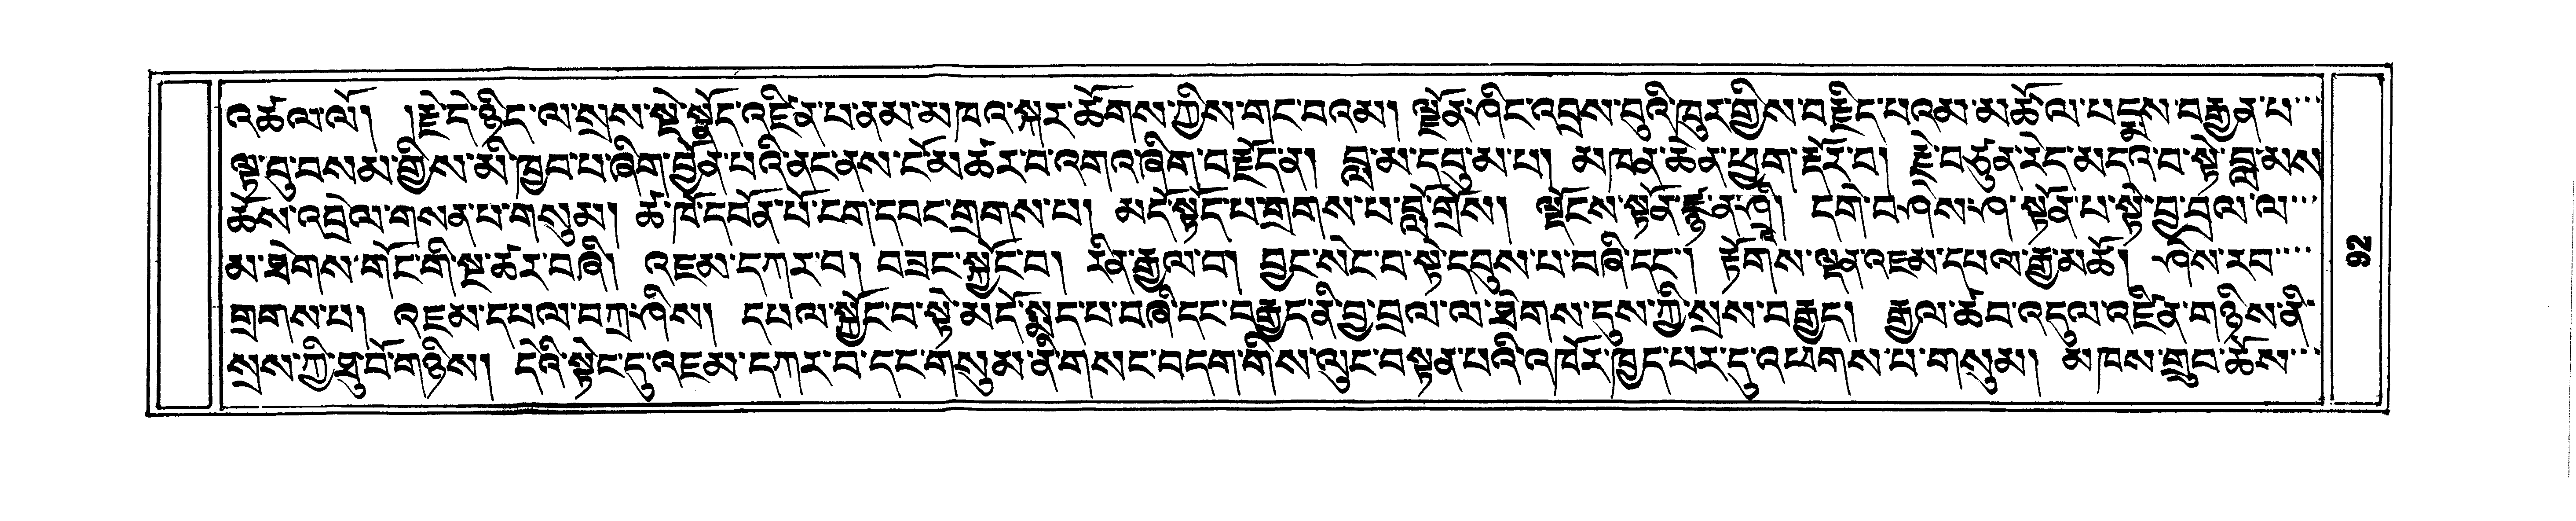འཚལ་ལོ། །རྗེ་དེ་ཉིད་ལ་སྲས་སྡེ་སྣོད་འཛིན་པ་ནམ་མཁའ་སྐར་ཚོགས་ཀྱིས་གང་བའམ། ལྗོན་ཤིང་འབྲས་བུའི་ཁུར་གྱིས་བརྗིད་པའམ་མཚོལ་པདམས་བརྒྱན་པ་
ལྟ་བུ་བསམ་གྱིས་མི་ཁྱབ་པ་ཞིག་བྱོན་པའི་ནང་ནས་ངོ་མཚར་བ་འགའ་ཞིག་བརྗོད་ན། བླ་མ་དབུ་མ་པ། མཁན་ཆེན་ཕྱག་རྡོར་བ། རྗེ་བཙུན་རེད་མདའ་བ་སྟེ་བླ་མས་
ཆོས་འབྲེལ་གསན་པ་གསུམ། ཚ་ཁོ་དབོན་པོ་ངག་དབང་གྲགས་པ། མདོ་སྟོད་པ་གྲགས་པ་བློ་གྲོས། ལྡོངས་སྟོན་ཛྙ་ན་ཤྲཱི། དགེ་བཤེས་ཤ་སྟོན་པ་སྟེ་བྱ་བྲལ་ལ་
མ་ཐེགས་གོང་གི་སྔ་ཚར་བཞི། འཇམ་དཀར་བ། བཟང་སྐྱོང་བ། རིན་རྒྱལ་བ། བྱང་སེང་བ་སྟེ་དབུས་པ་བཞི་དང་། རྟོགས་ལྡན་འཇམ་དཔལ་རྒྱ་མཚོ། ཤེས་རབ་
གྲགས་པ། འཇམ་དཔལ་བཀྲ་ཤིས། དཔལ་སྐྱོང་བ་སྟེ་མདོ་སྨད་པ་བཞི་དང་བརྒྱད་ནི་བྱ་བྲལ་ལ་ཐེགས་དུས་ཀྱི་སྲས་བརྒྱད། རྒྱལ་ཚབ་འདུལ་འཛིན་གཉིས་ནི་
སྲས་ཀྱི་ཐུ་བོ་གཉིས། དེའི་སྟེང་དུ་འཇམ་དཀར་བ་དང་གསུམ་ནི་གསང་བདག་གིས་ལུང་བསྟན་པའི་འཁོར་ཁྱད་པར་དུ་འཕགས་པ་གསུམ། མཁས་གྲུབ་ཆོས་